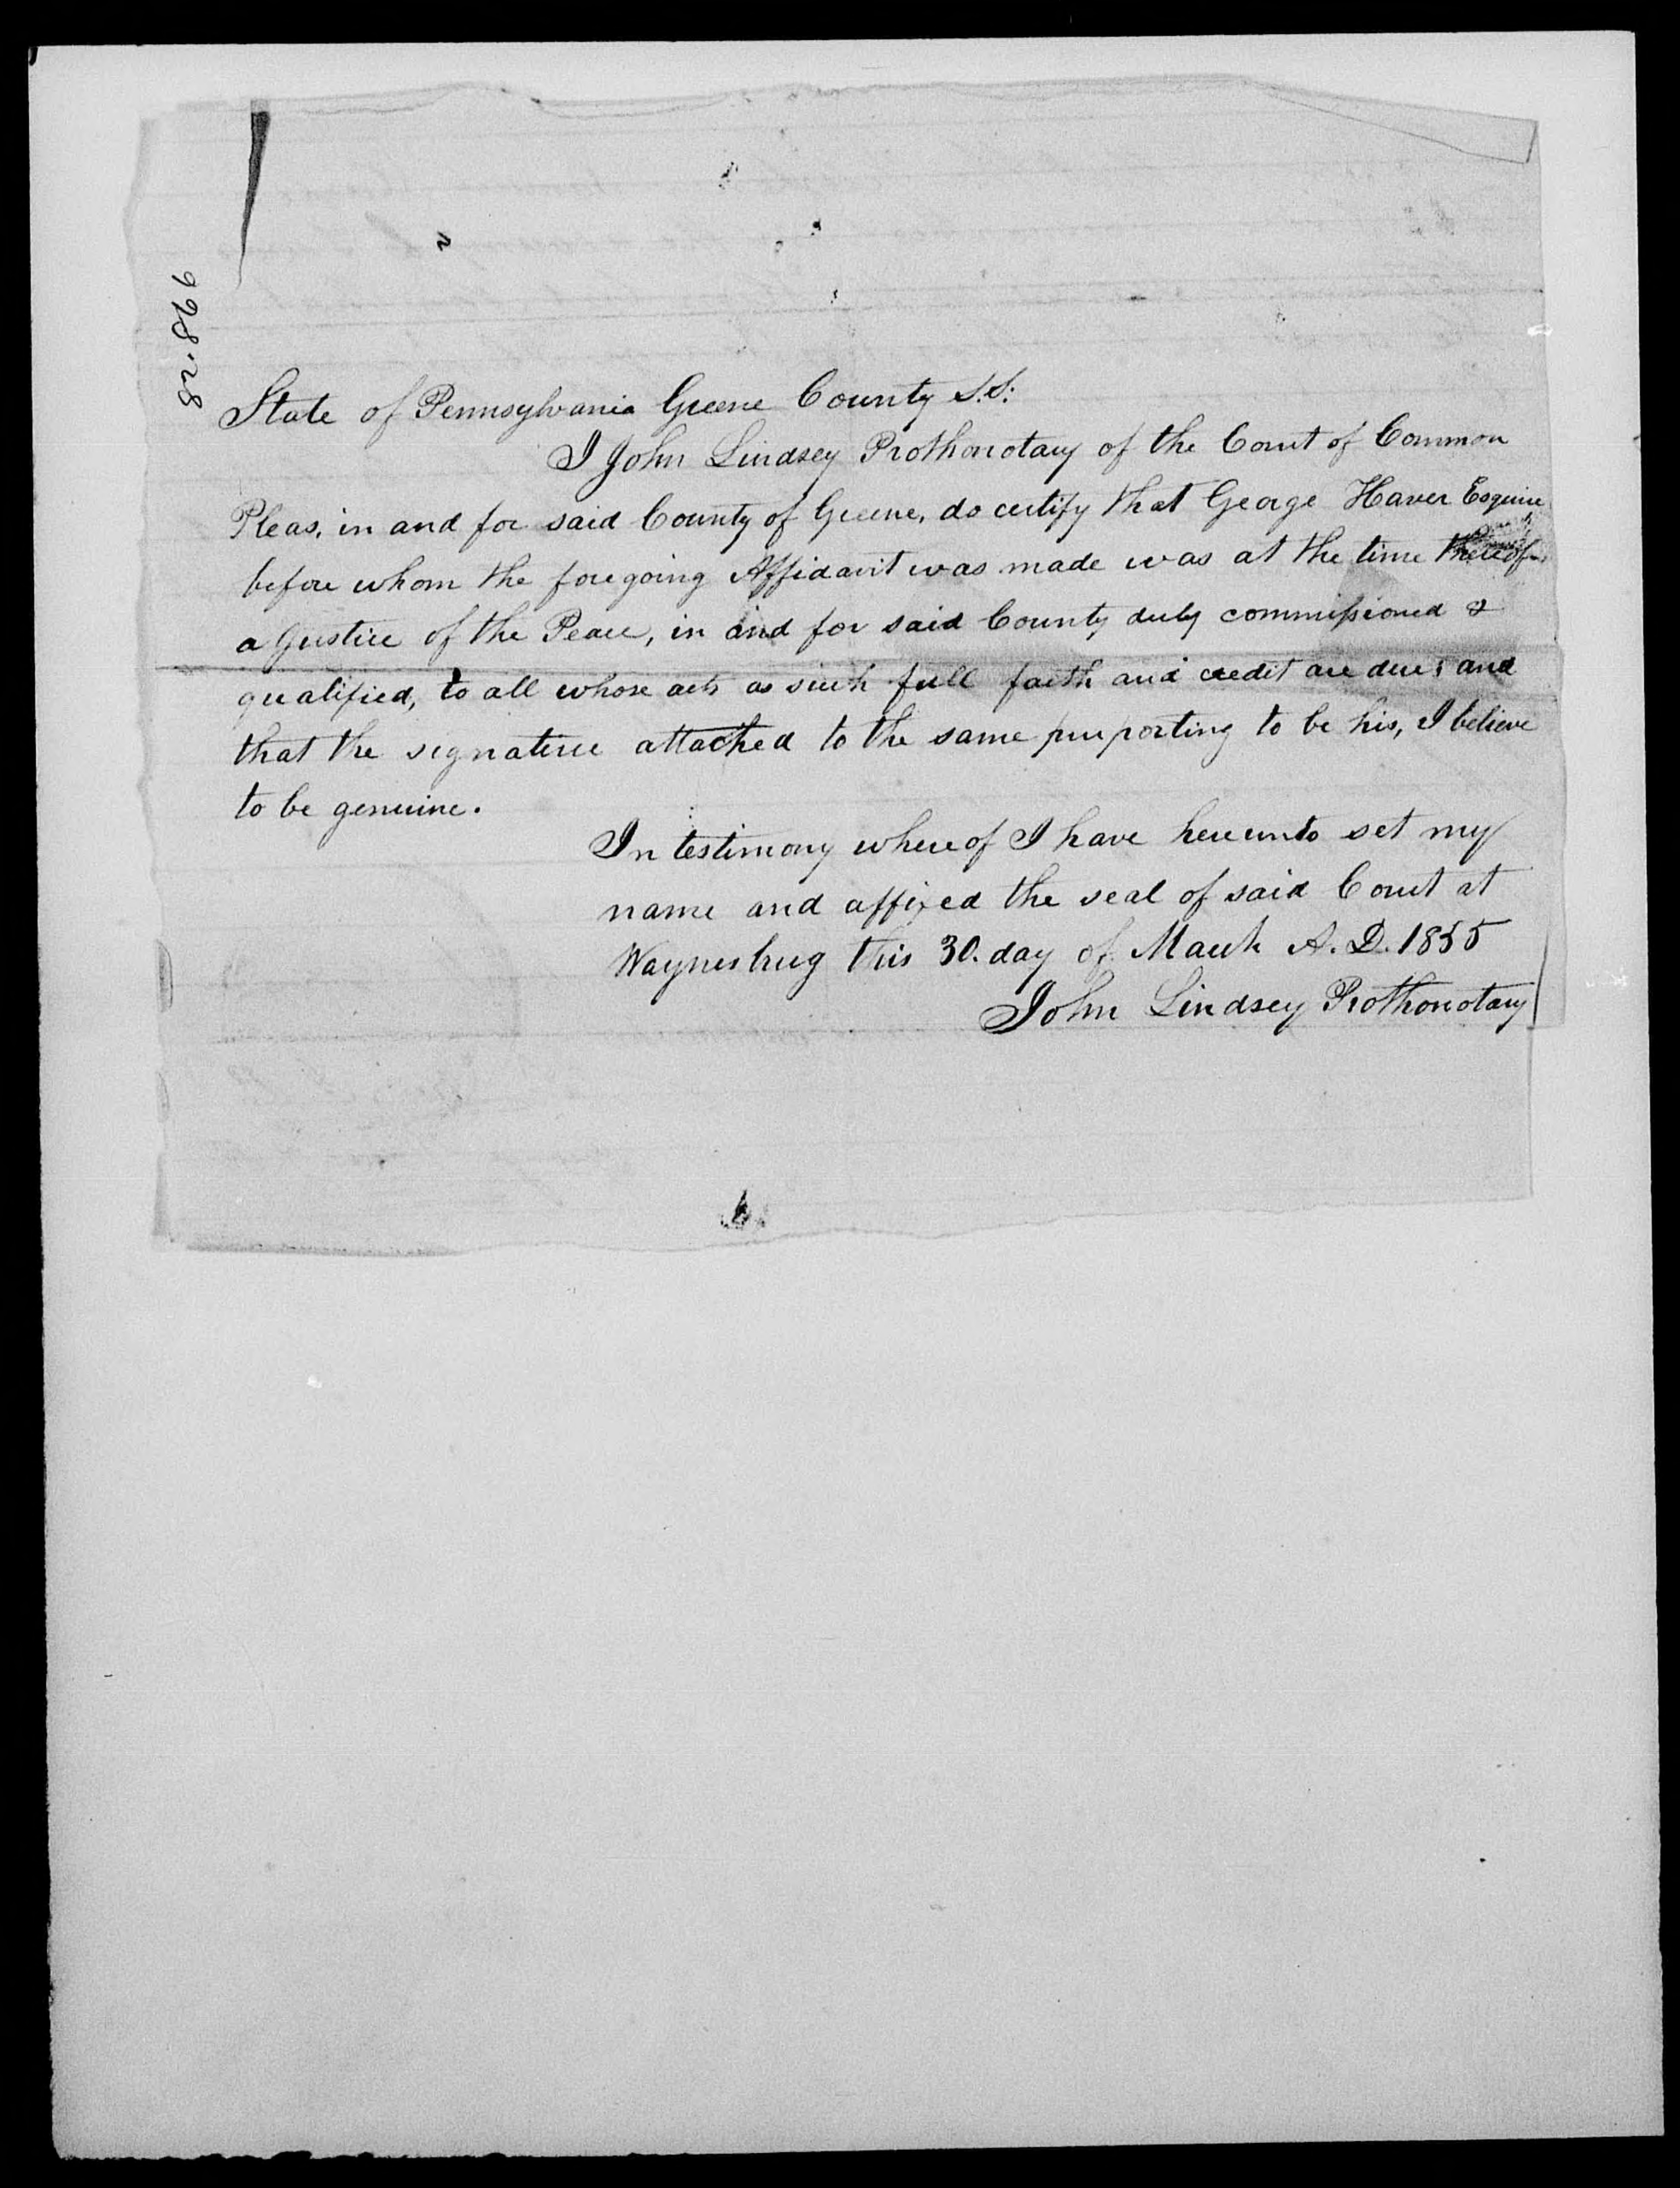82-866
State of Pennsylvania Greene County S.S.
I John Lindsey Prothonotary of the Court of Common Pleas in and for said County of Greene, do certify that George Haver Esquire
before whom the foregoing Affidavit was made was at the time thereof
a Justice of the Peace, in and for said County duly commissioned &
qualified to all whose acts as such full faith and credit are due and that the signature attached to the same purporting to be his, I believe
to be genuine.
In testimony whereof I have hereunto set my
name and affixed the seal of said Court at
Waynesburg this 30 day of March A.D. 1855
John Lindsey Prothonotary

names: John Lindsey, George Haver, John Lindsey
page: 74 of 81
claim: survivor's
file: S. 1908, Richard Harper, N.C.